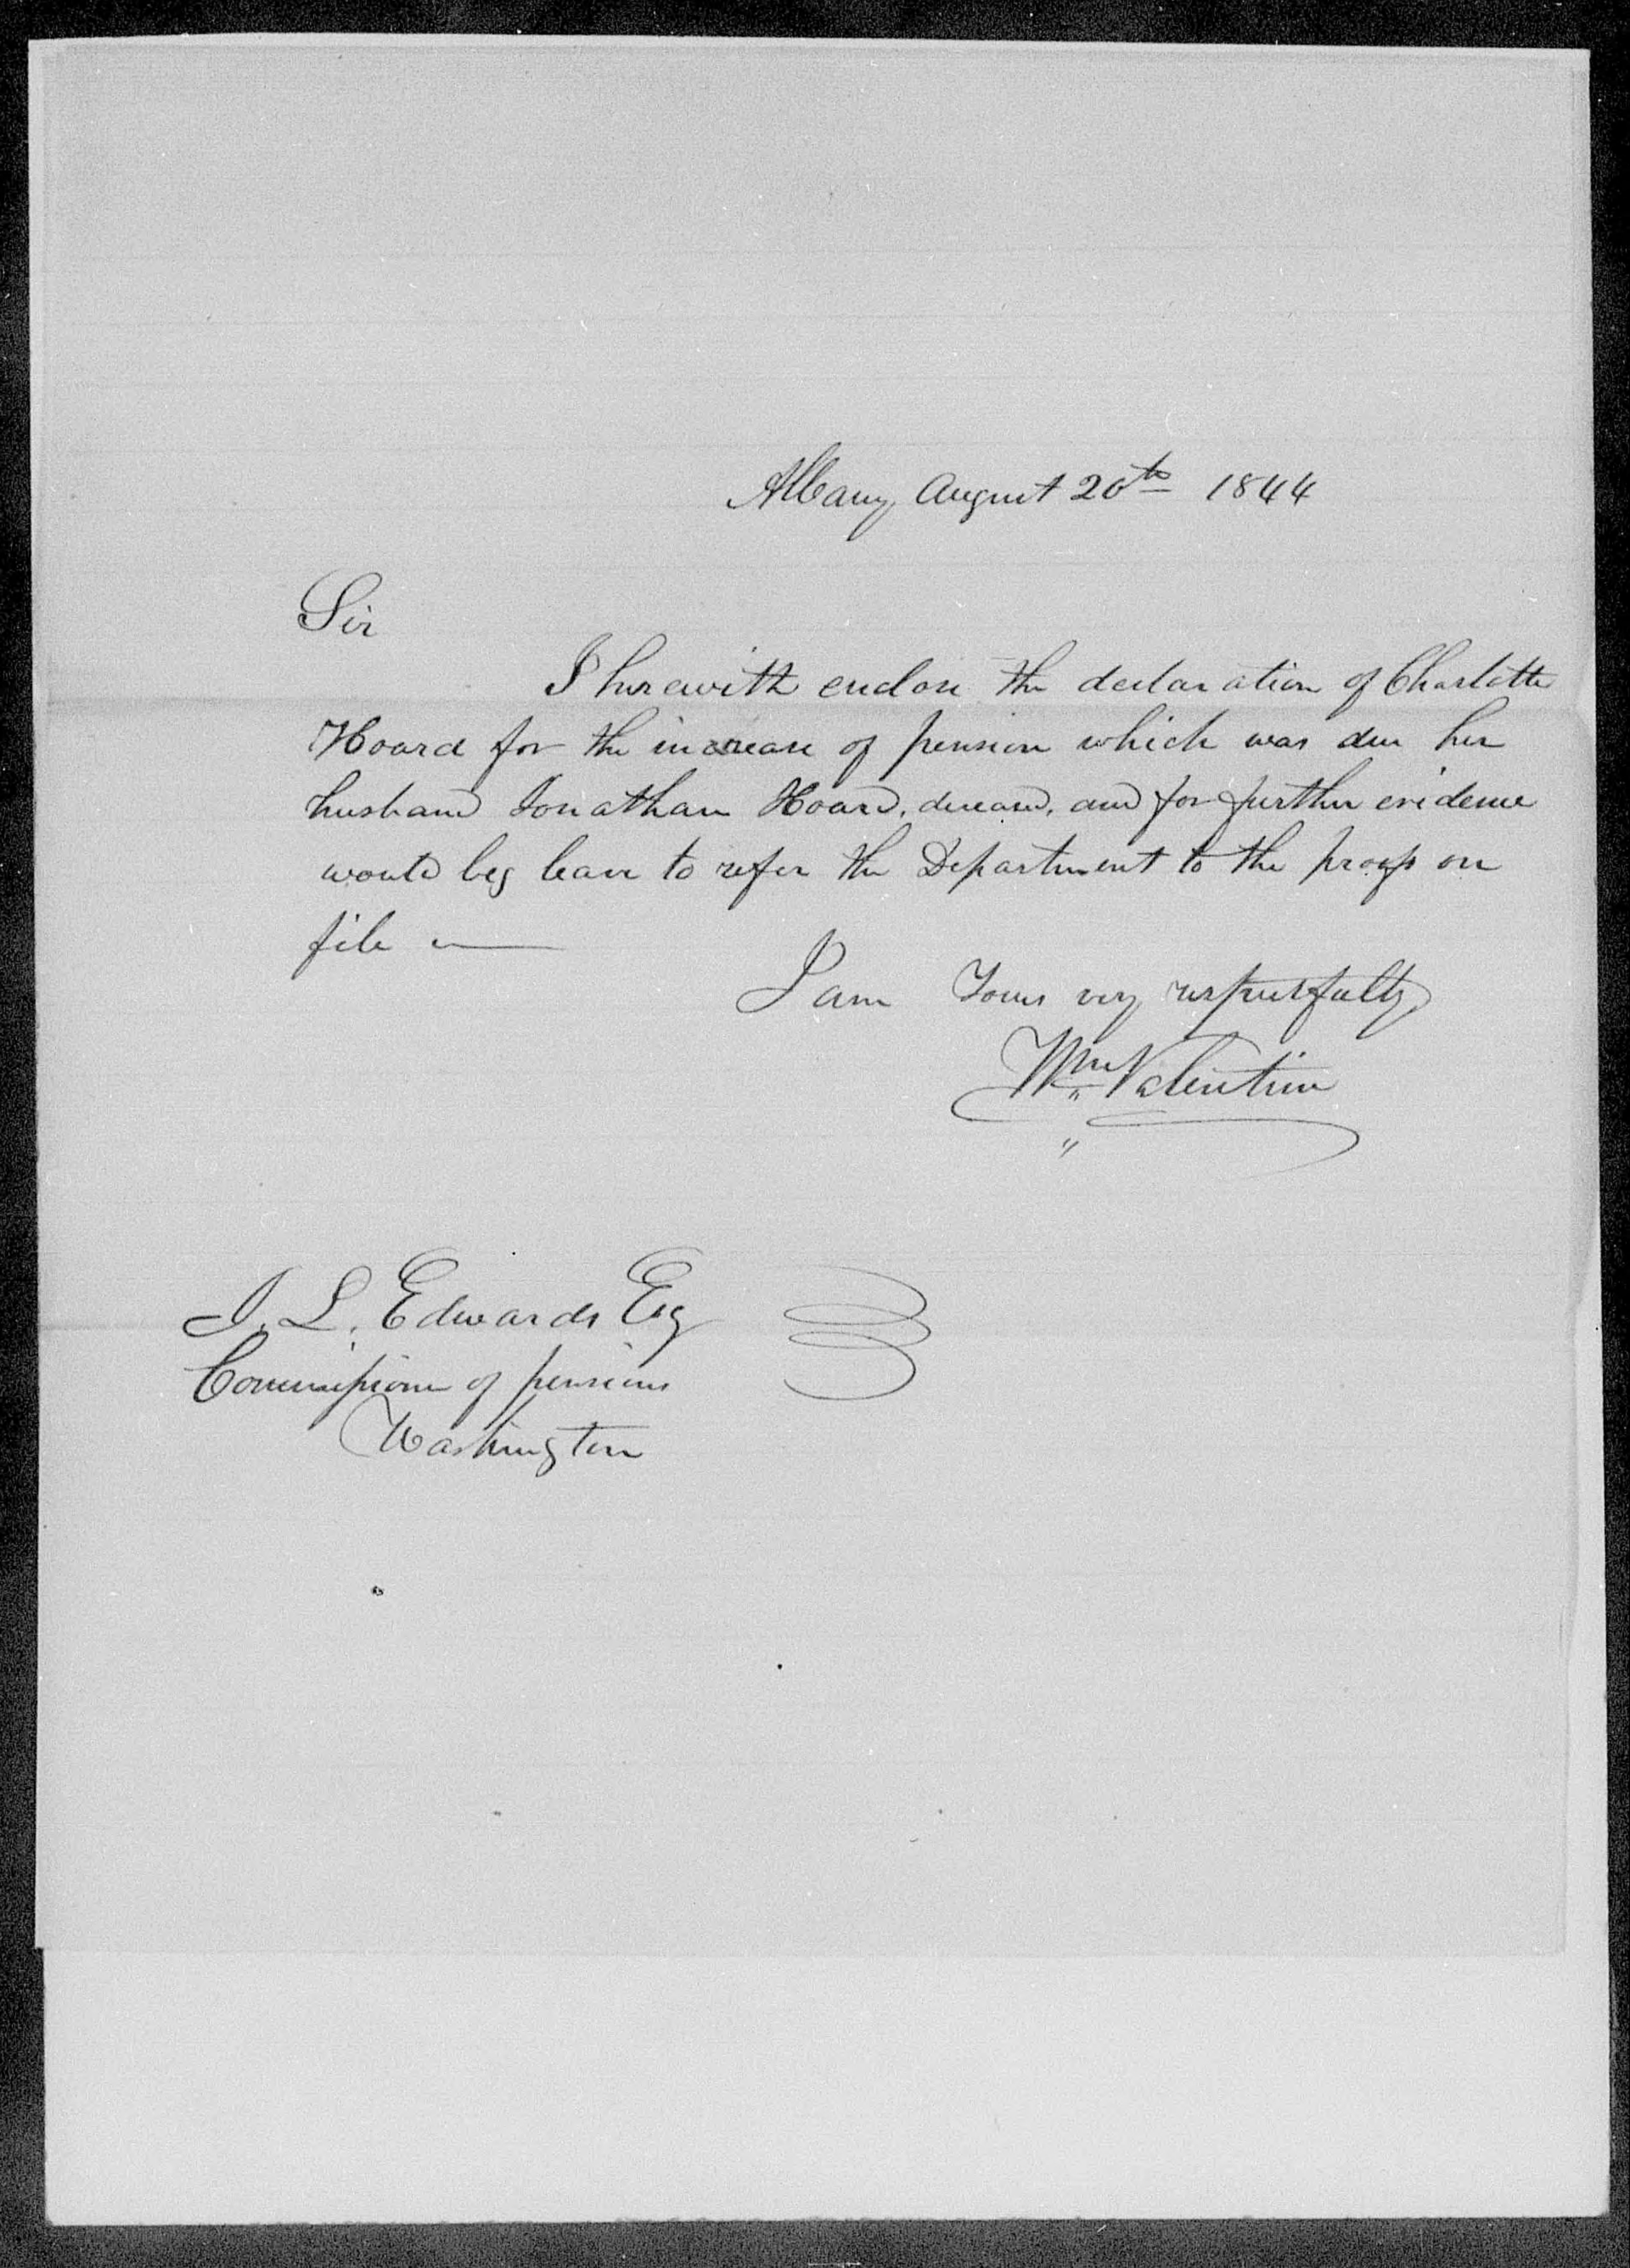Albany August 20th 1844 
Sir 
I herewith enclose declaration of Charlette Hoard for the increase of pension which was due her husband Jonathan Hoard, deceased, and for further evidence would beg leave to refer the Department to the proof on file – 
I am Yours very respectfully 
Wm Valentine (signature)

J.L. Edwards Esq 
Commissioner of Pensions 
Washington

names: Wm Valentine, J L Edwards, Charlotte Hoard, Jonathan Hoard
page: 35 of 52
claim: widow's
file: W 19755, Jonathan Hoard, Mass.